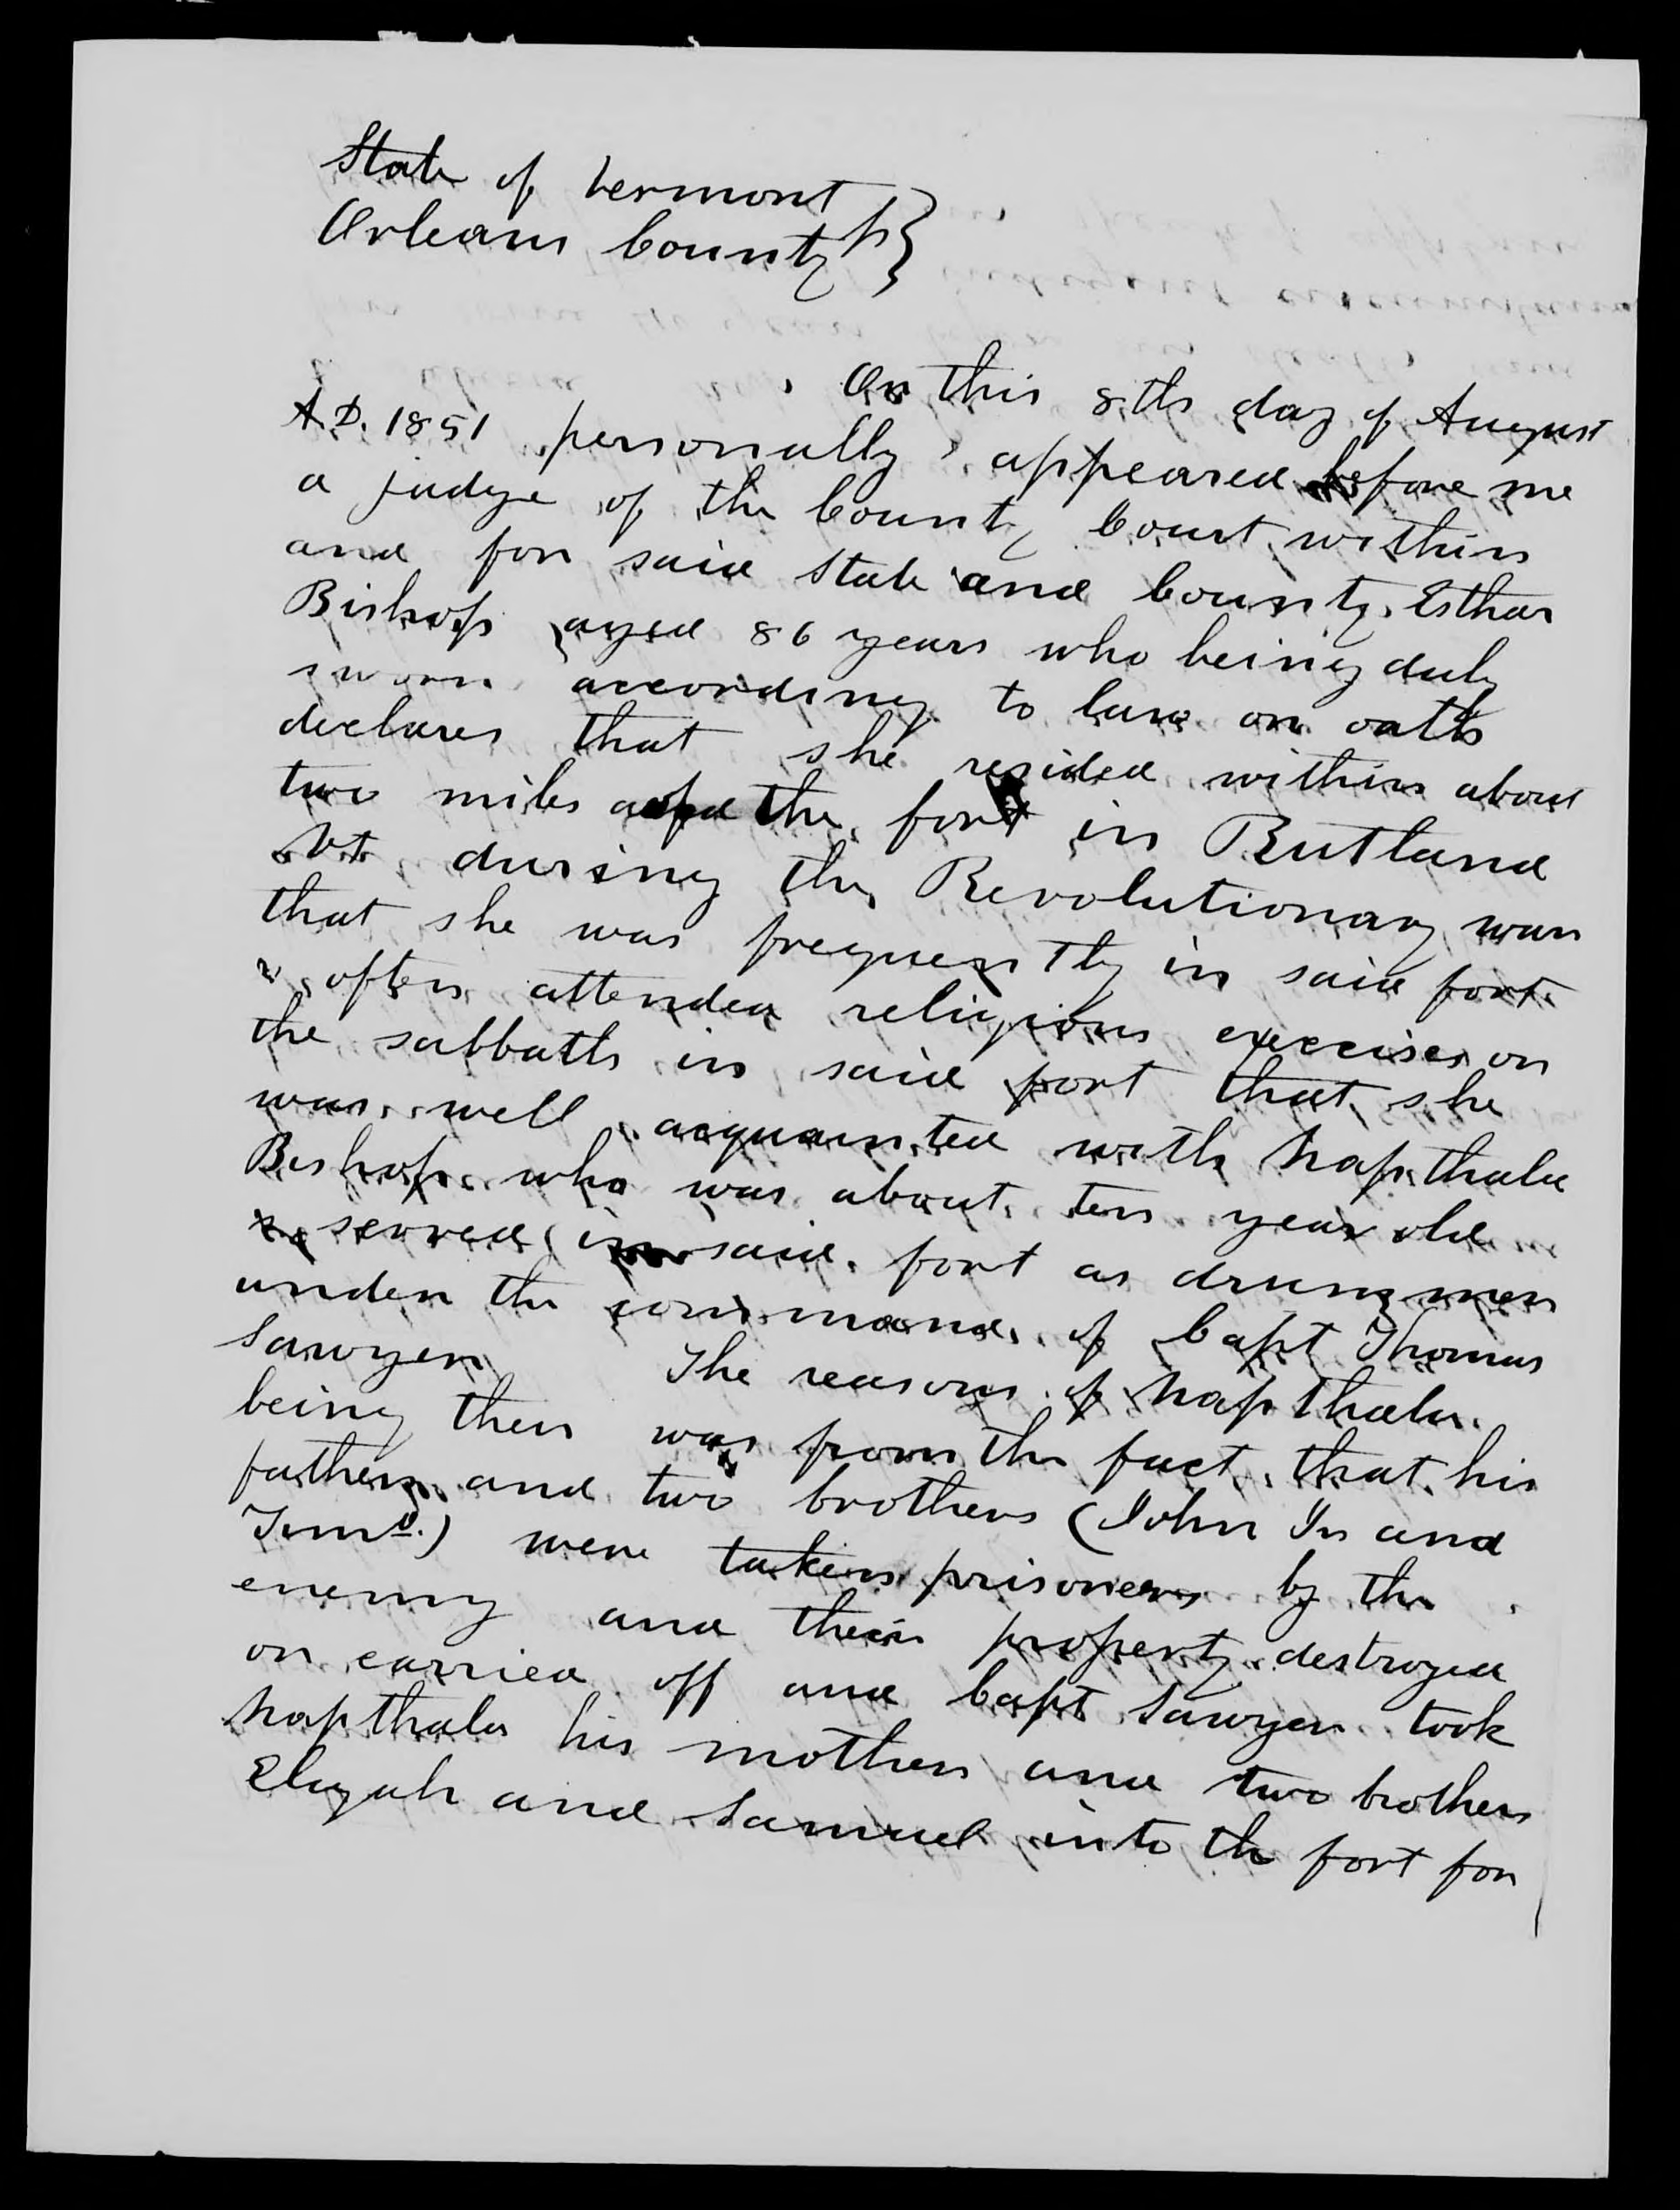State of Vermont
Orleans County
On this 8th day of August A.D. 1851 personally appeared before me a judge of the County Court within and for said state and county, Esthar Bishop, aged 86 years who being duly sworn according to law on oath  declares that she resided within about two miles from the fort in Rutland Vt during the Revolutionary war that she was frequently in said fort & often attened religious exercises on the sabbath in said fort that she was well acquainted with Napthala Bisop who was about ten years old & served in said fort as drummer under the command of Capt Thomas Sawyer.  The reason of Napthala being there was from the fact that his father and two brothers (John Jr and Tim) were taken prisoners by the enemy and their property destroyed or carried off and Capt Sawyer took Napthala his mother and two brothers Elijah and Samuel into the for for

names: Napthala Bishop, Thomas Sawyer, Napthala, Sawyer, John, Eliyah, Napthala, Samuel, Esthar Bishop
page: 5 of 27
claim: rejected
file: R. 865, Napthala Bishop, Vt.